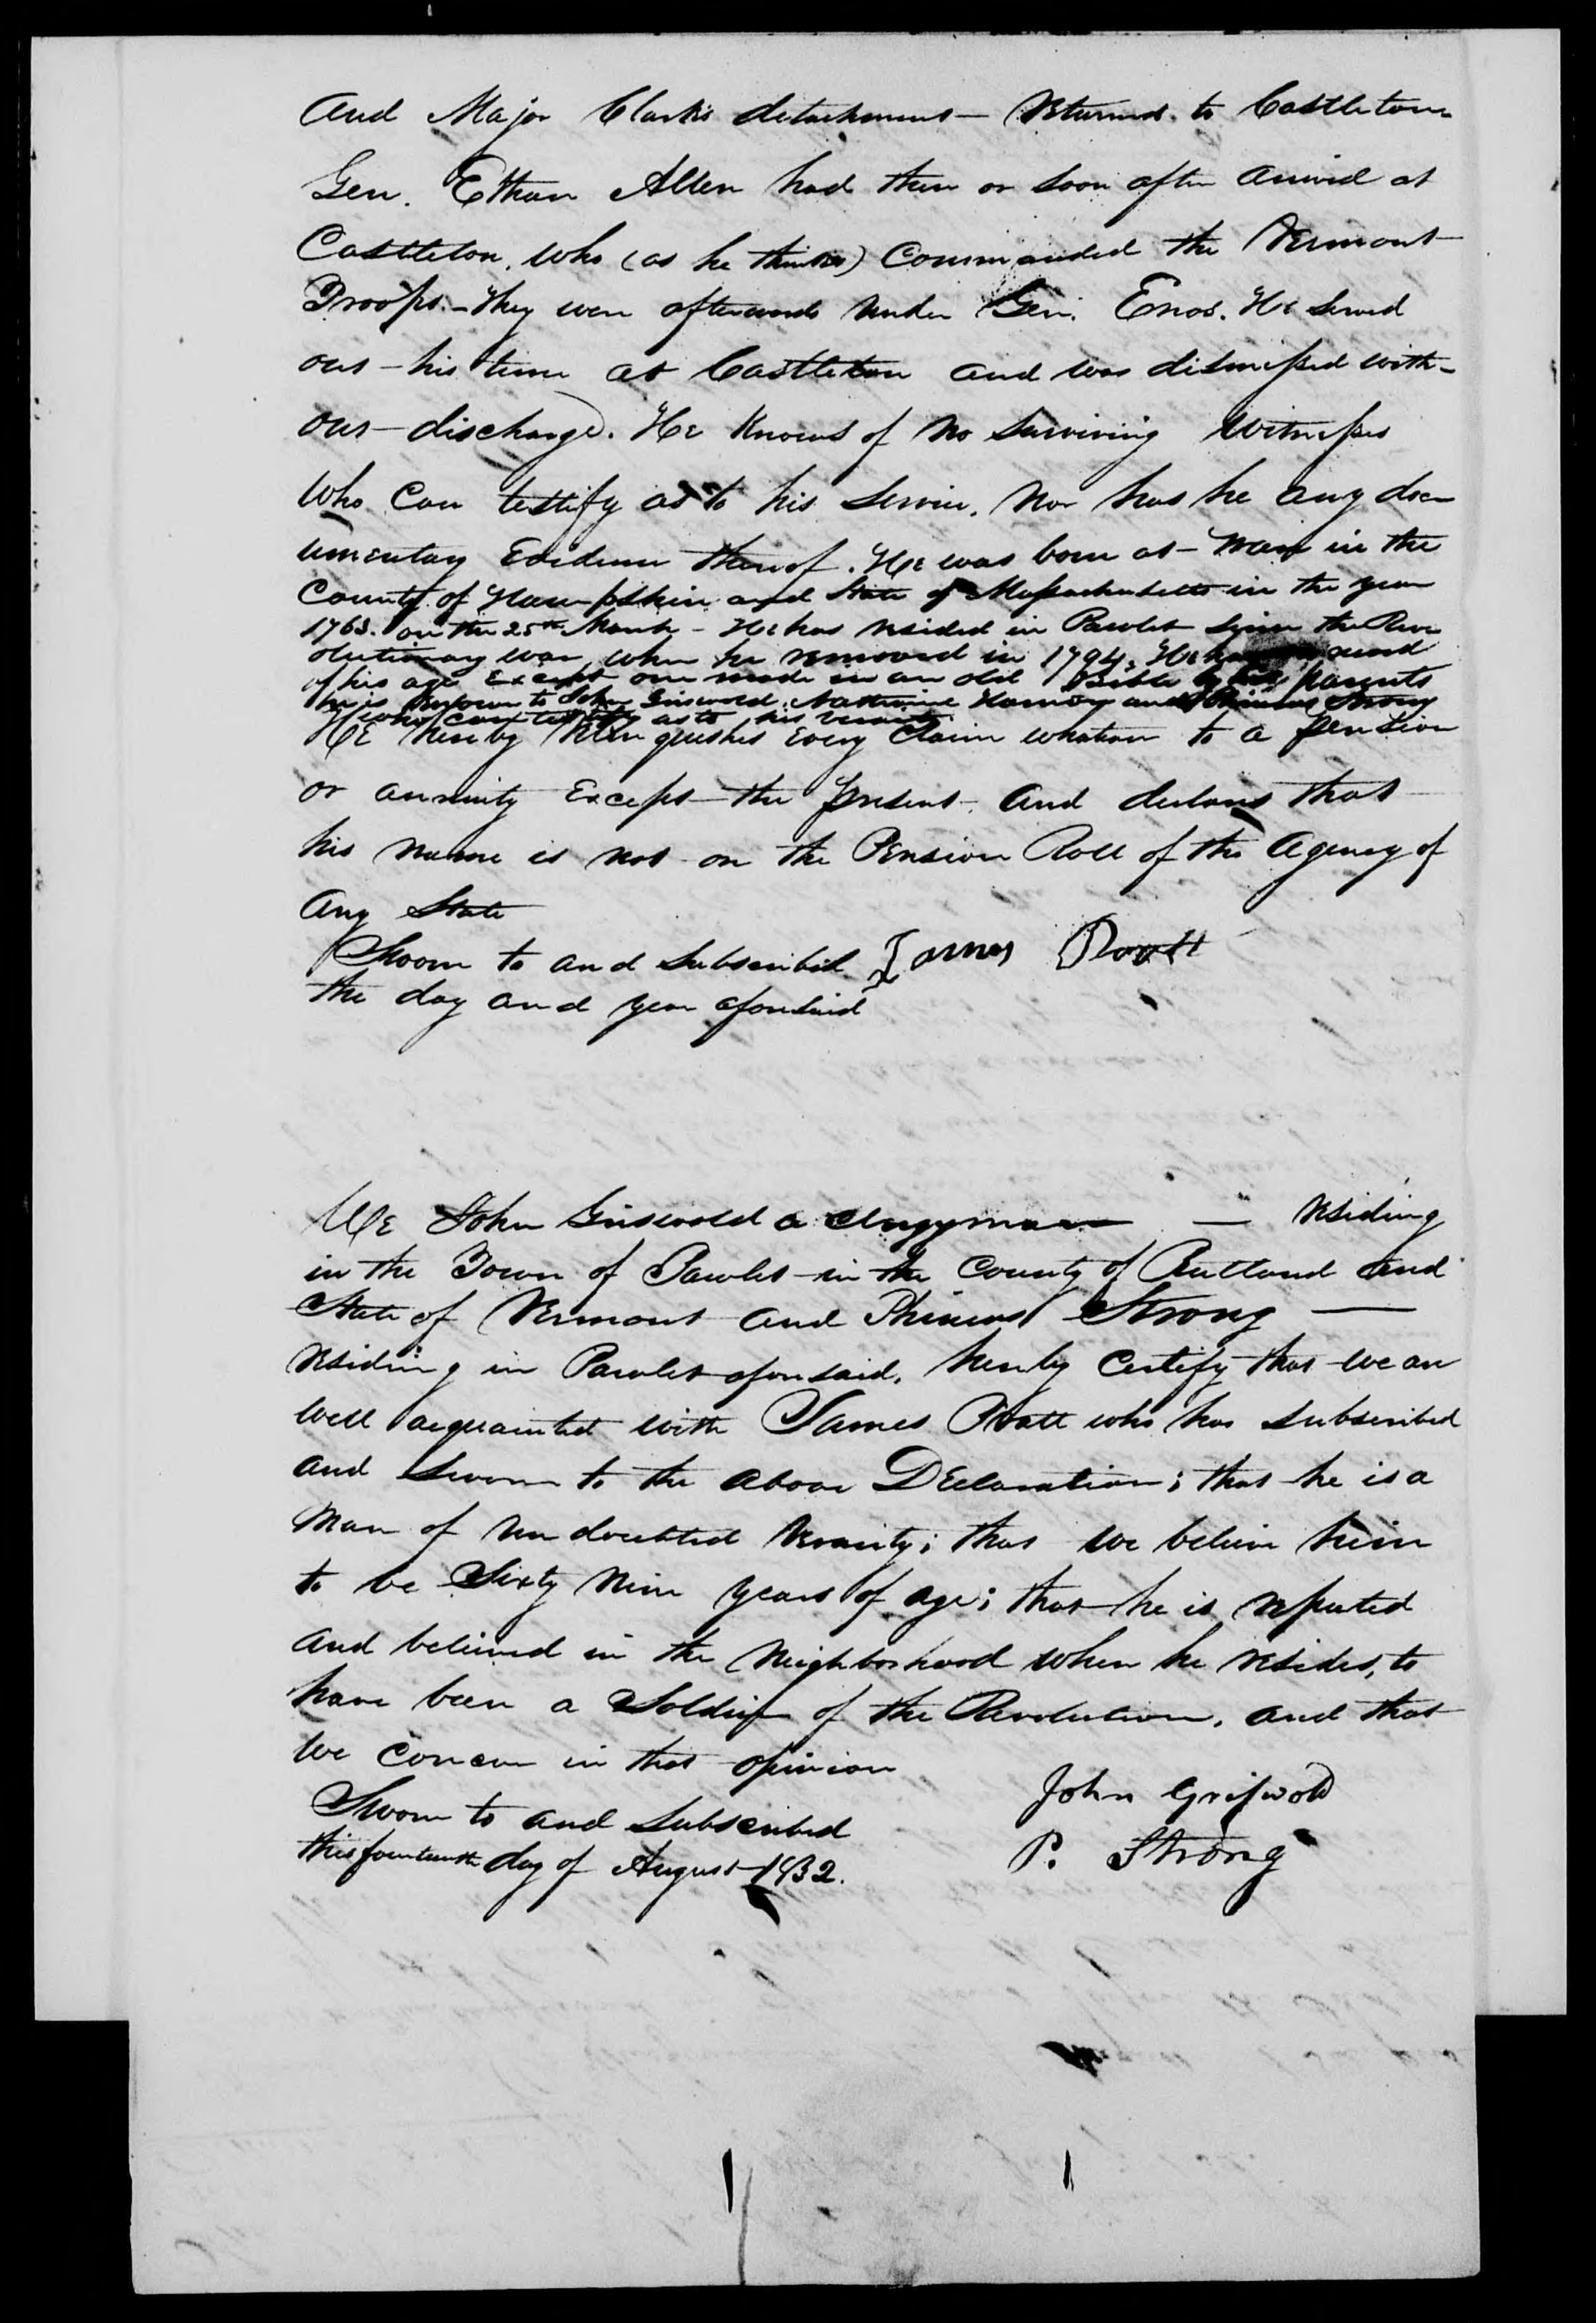And Major Clark’s detachment returned to Castleton.
Gen. Ethan Allen had then or soon after arrived at
Castleton, who (as he thinks) commanded the Vermont
Troops. They were afterward under Gen. Enos. He served
out his time at Castleton and was dismissed without discharge.
 He knows of no surviving Witnesses who can testify as to his 
service, nor has he any documentary evidence thereof. 
He was born at Ware in the County of Hampshire and State 
of Massachusetts in the year 1765 on the 25th March. He has 
resided in Pawlet since the Revolutionary war, where he removed in 1794.
He has no record of his age, except one record in an old Bible of his parents.
He is known to John Griswold, Nathaniel Hastings and Phineas Strong,
Who can testify as to his veracity.
He hereby relinquishes every claim whatever to a pension
or annuity except the present and declares that
his name is not on the Pension Roll of the agency of
any State
James Pratt
Sworn to and subscribed 
the day and year aforesaid


We John Griswold a clergyman residing
in the Town of Pawlet in the County of Rutland and
State of Vermont and Phineas Strong residing
in Pawlet aforesaid, hereby certify that we are
well acquainted with James Pratt who has subscribed
and sworn to the above Declaration; that he is a
man of undoubted veracity, that we believe him
to be Sixty nine years of age; that he is reputed
and believed in the neighborhood when he resides, to
have been a soldier of the Revolution, and that
We concur in that opinion.
Sworn to and subscribed
this fourteenth day of August 1832.
John Griswold 
P. Strong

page: 5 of 29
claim: survivor's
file: S. 14,222, for James Pratt, Vermont